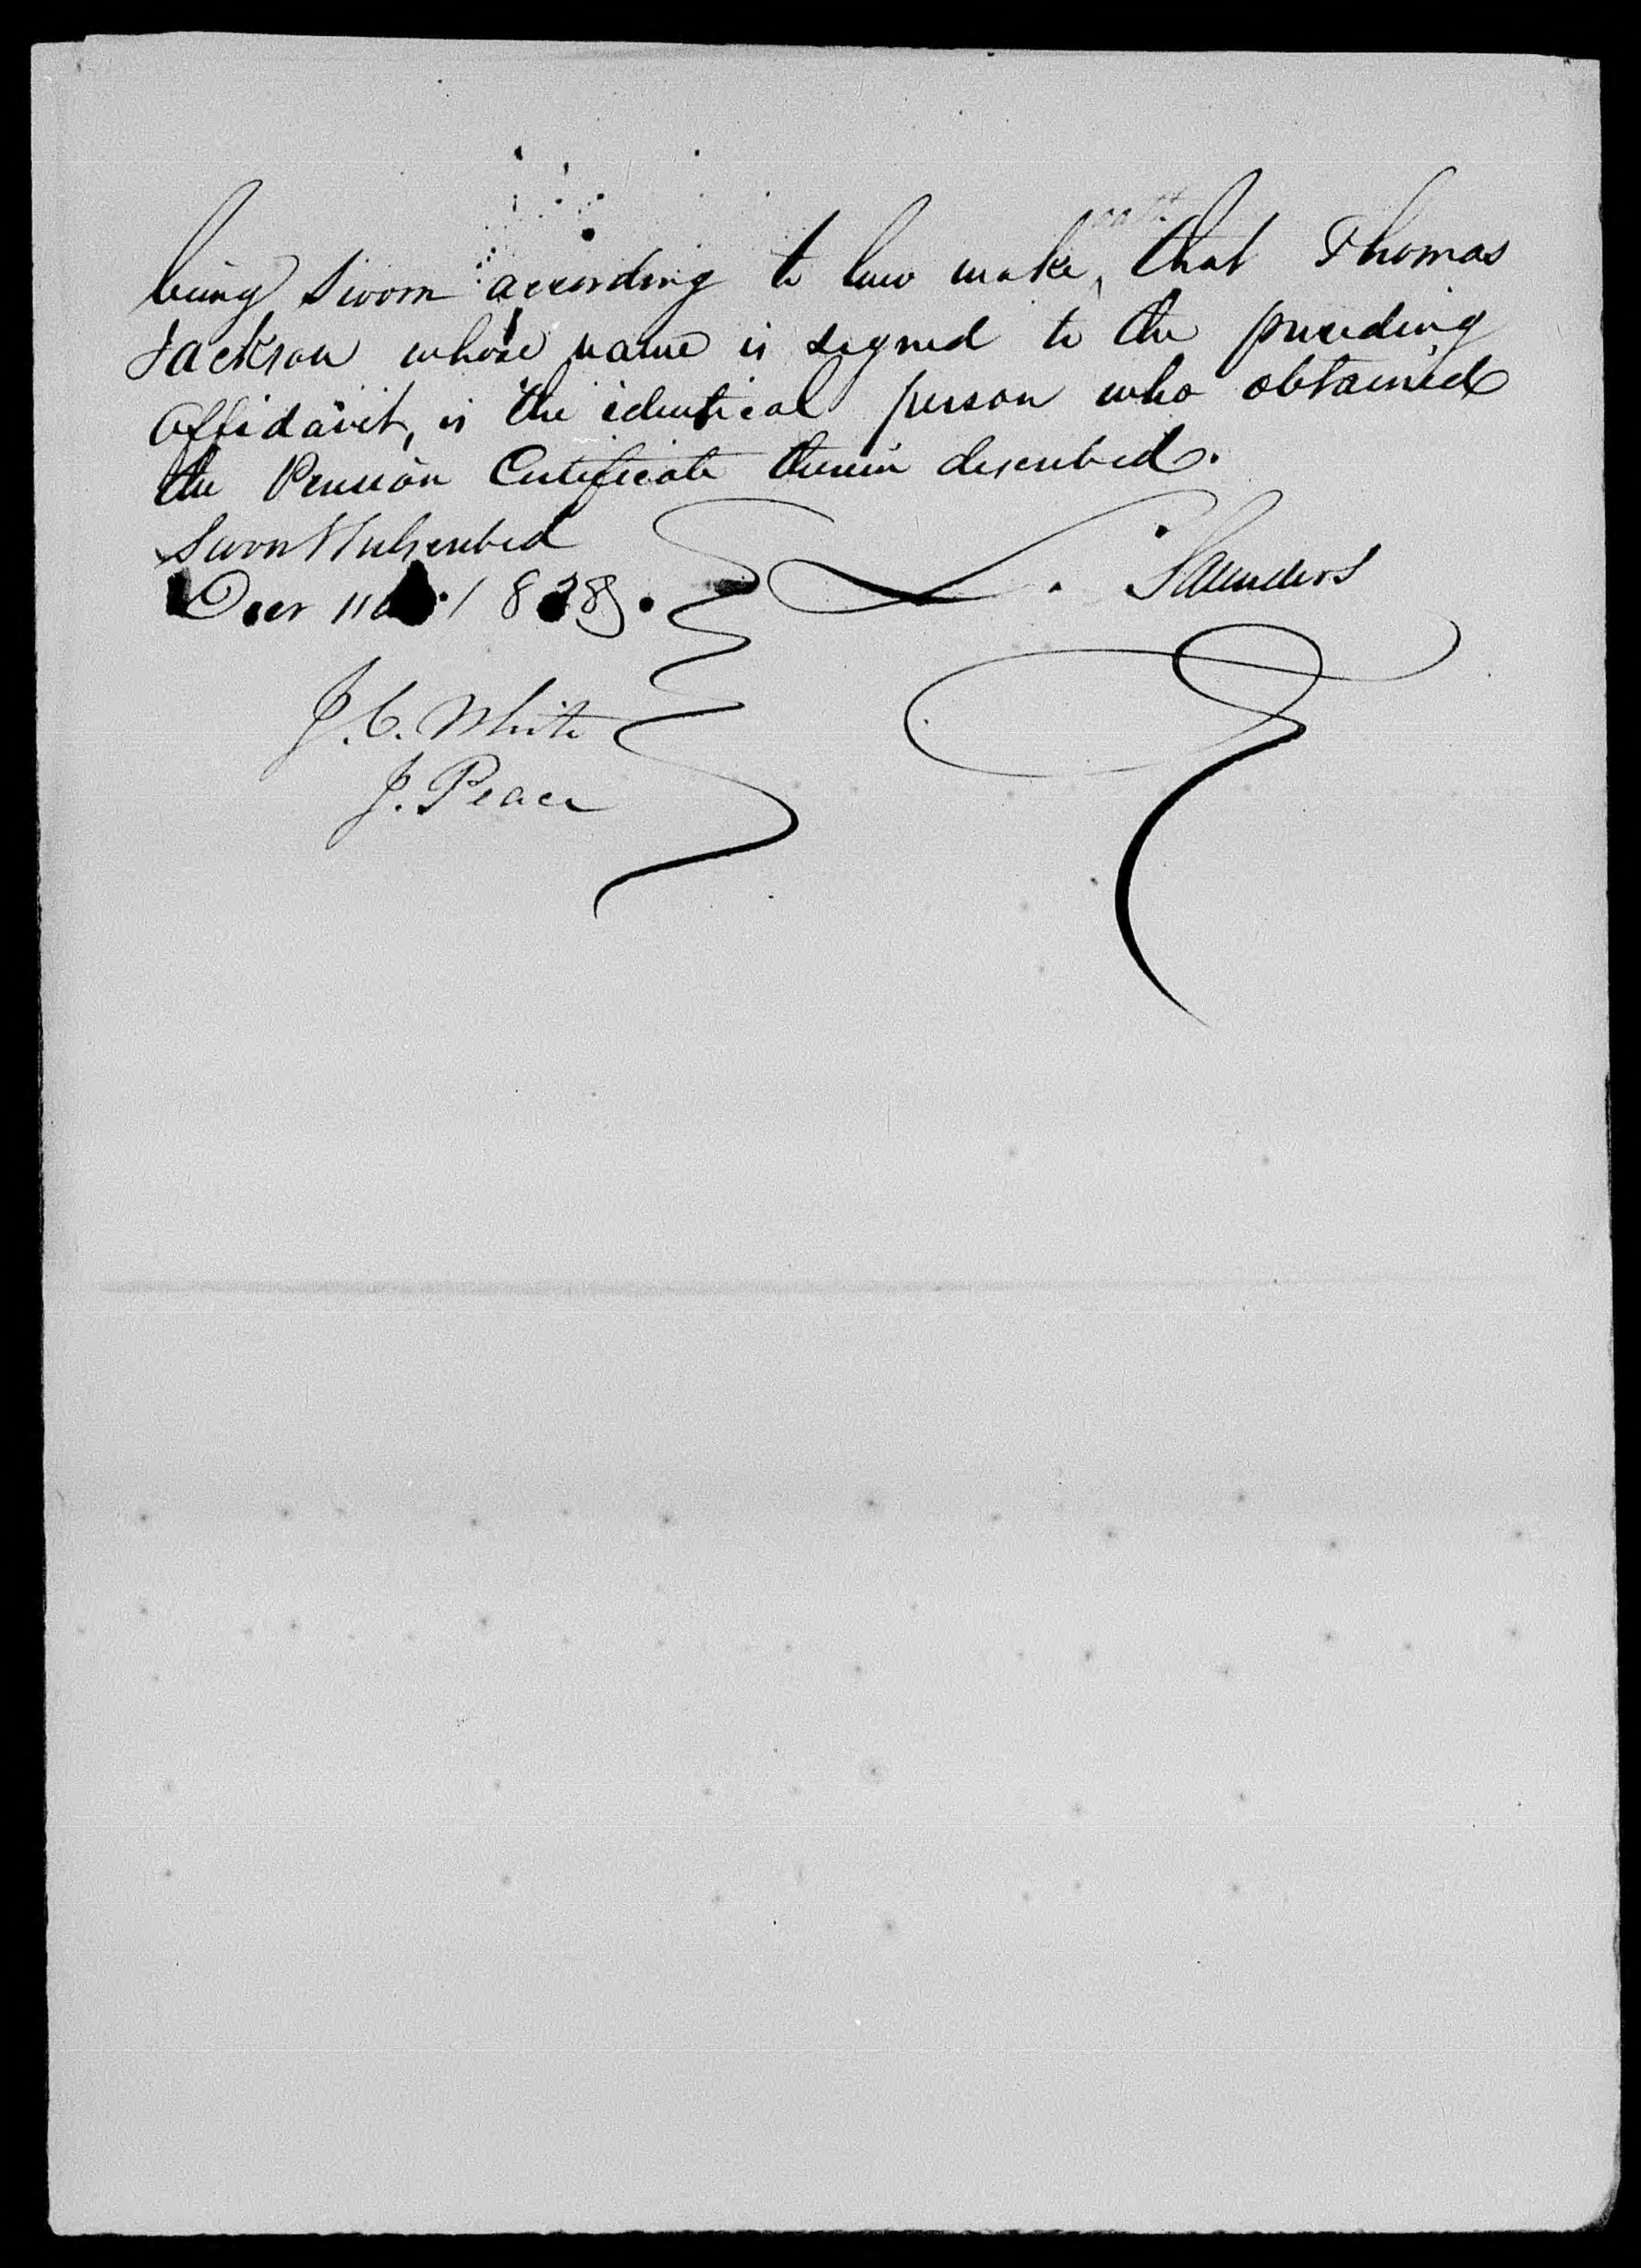being sworn according to law make oath , that Thomas Jackson whose name is signed to the presiding affidavit is the identical person who obtained the Pension Certificate therein described
Lafayette Saunders [signature]

Sworn Subscribed
Dec 11 1838
J. C. White J. Peace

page: 42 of 54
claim: survivor's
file: S. 31166, for Thomas Jackson, South Carolina